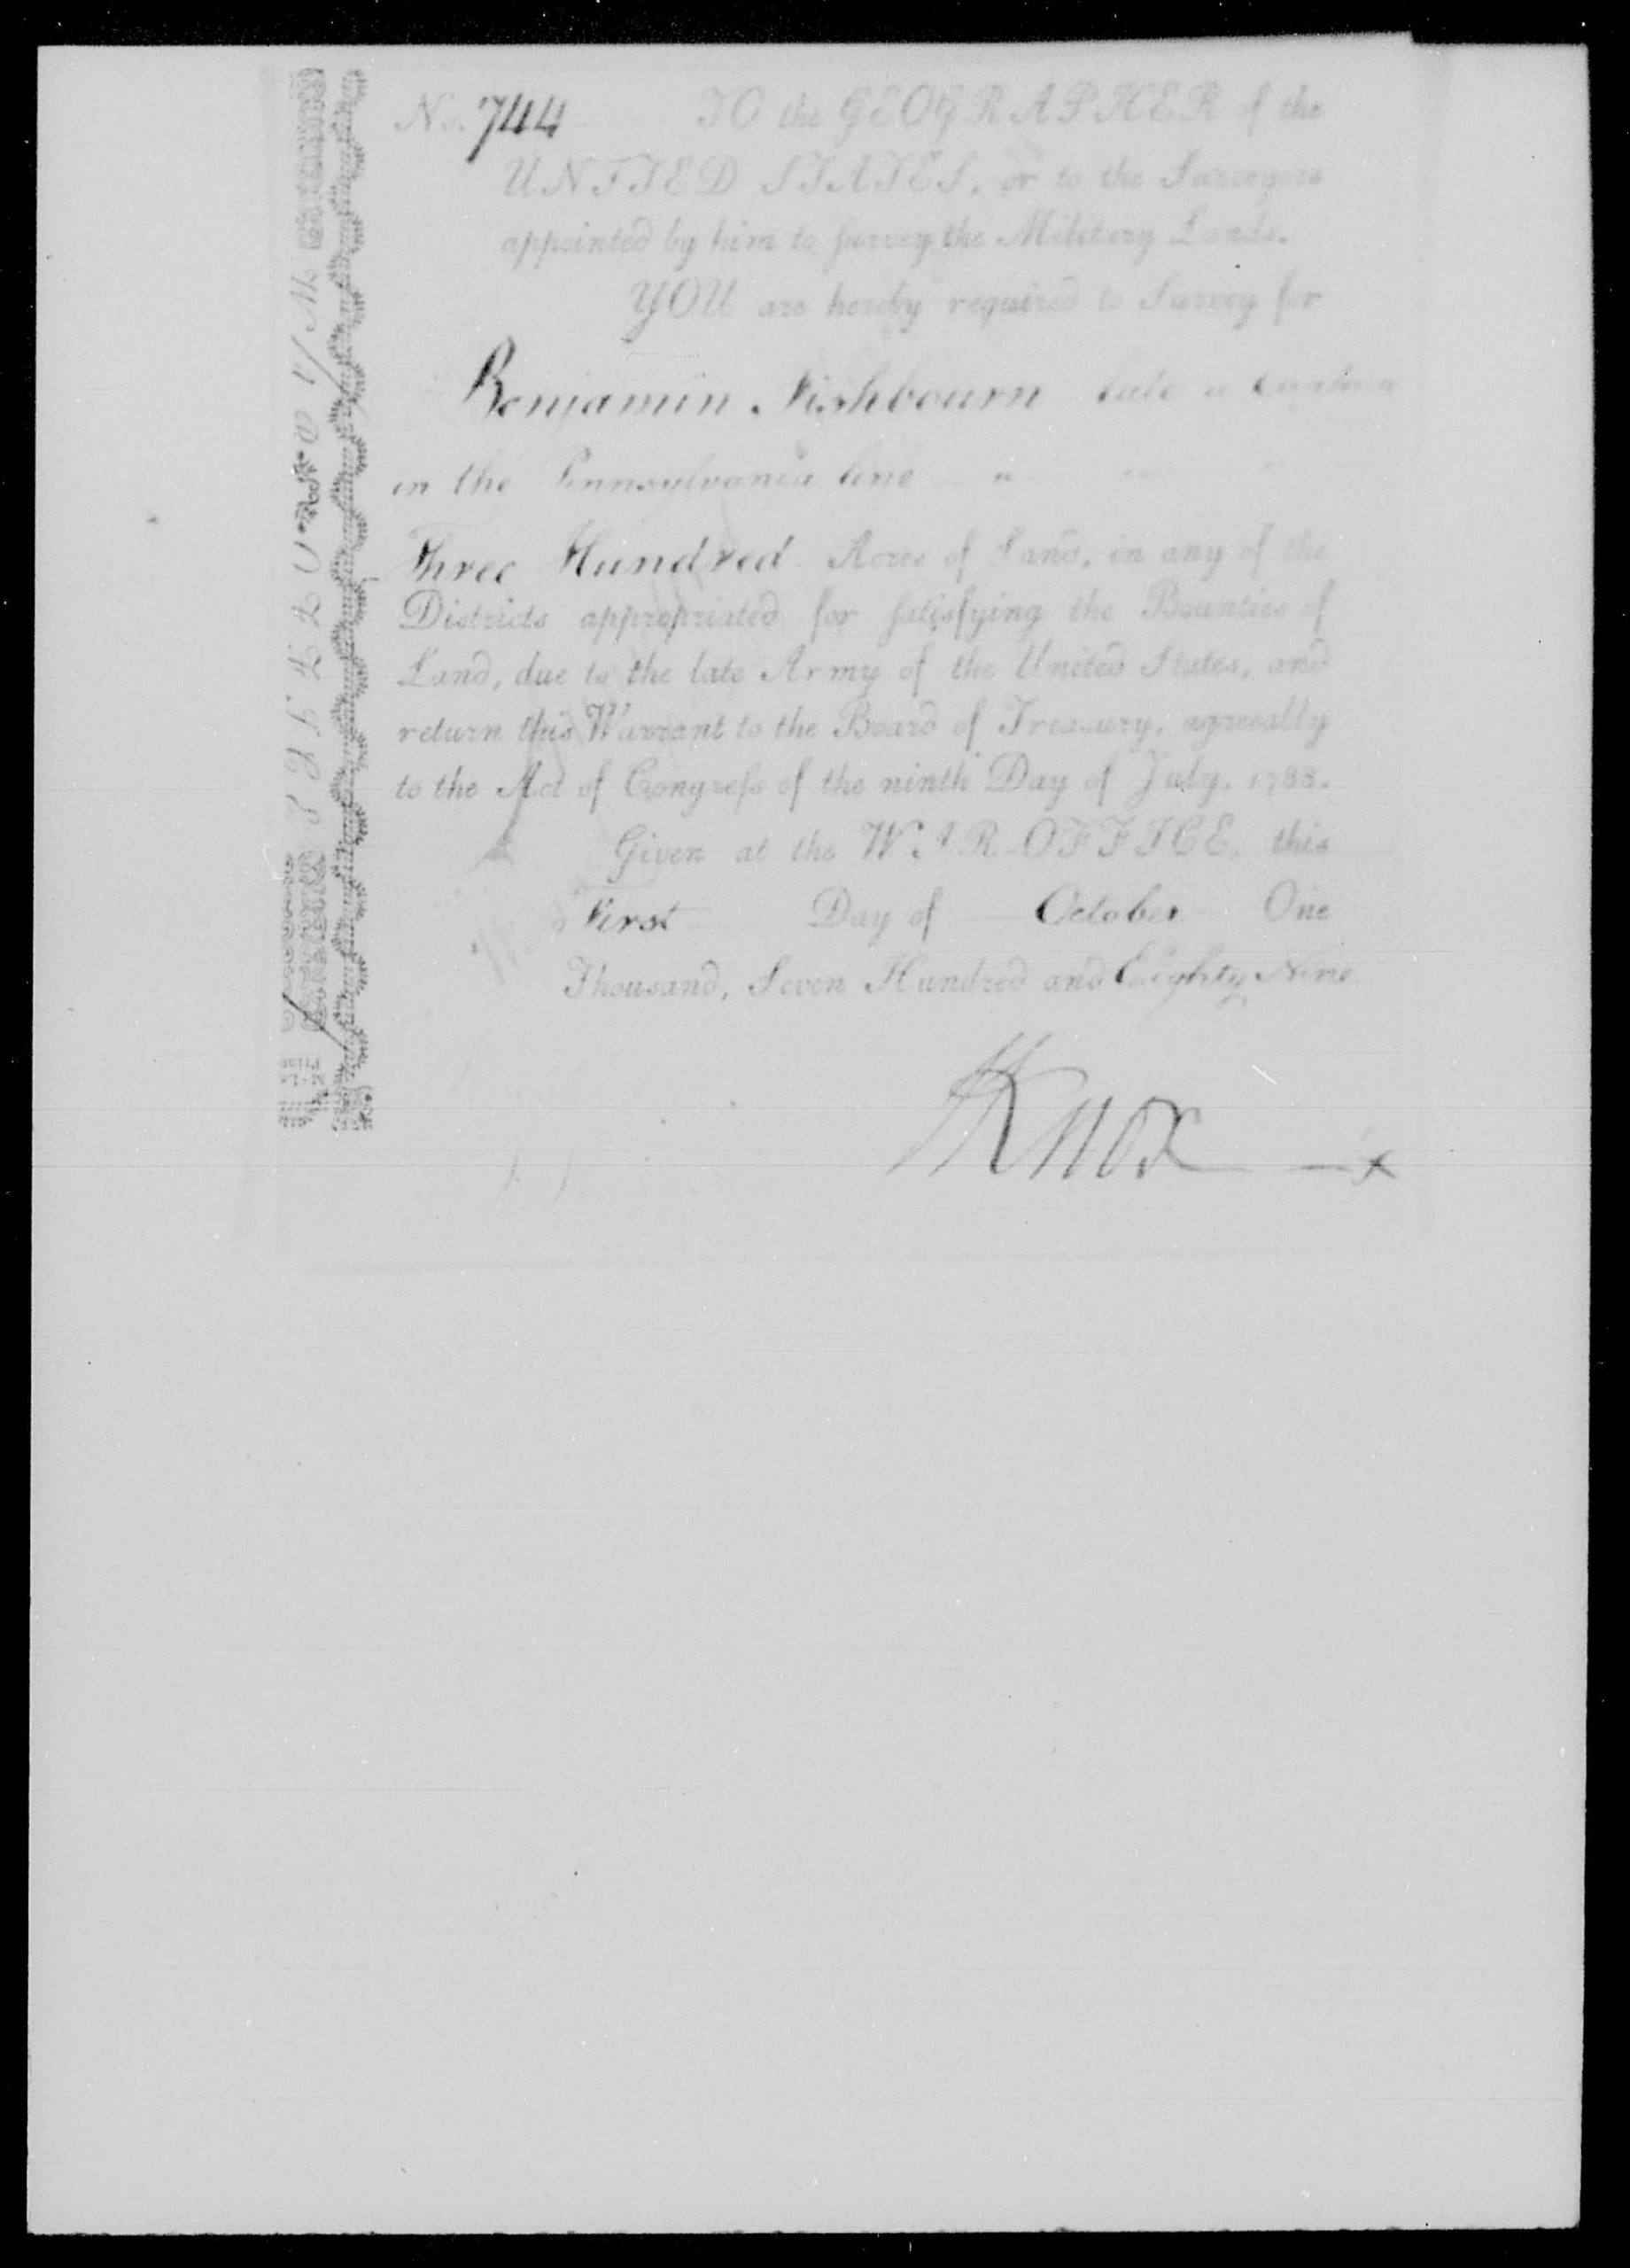No.744 TO the GEOGRAPHER of the UNITED STATES,  or to the Surveyors appointed by him to survey the military Lands.
YOU are hereby required to Survey for Benjamin Fishbourn late a Captain in the Pennsylvania

Three Hundred Acres of Land, in any of the Districts appropriated for satisfying the Bounties of Land, due to the late Army of the United States, and return this Warrant to the Board of agreeably to the Act of Congress of the ninth Day of July, 1738
Given at the WAR OFFICE, this First Day of October One Thousand, Seven Hundred and Eighty Nine
Knox-X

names: Benjamin Fishbourn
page: 11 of 11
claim: bounty land warrant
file: B.L.Wt. 2,206-300, Benjamin Fishbourn, Penn.